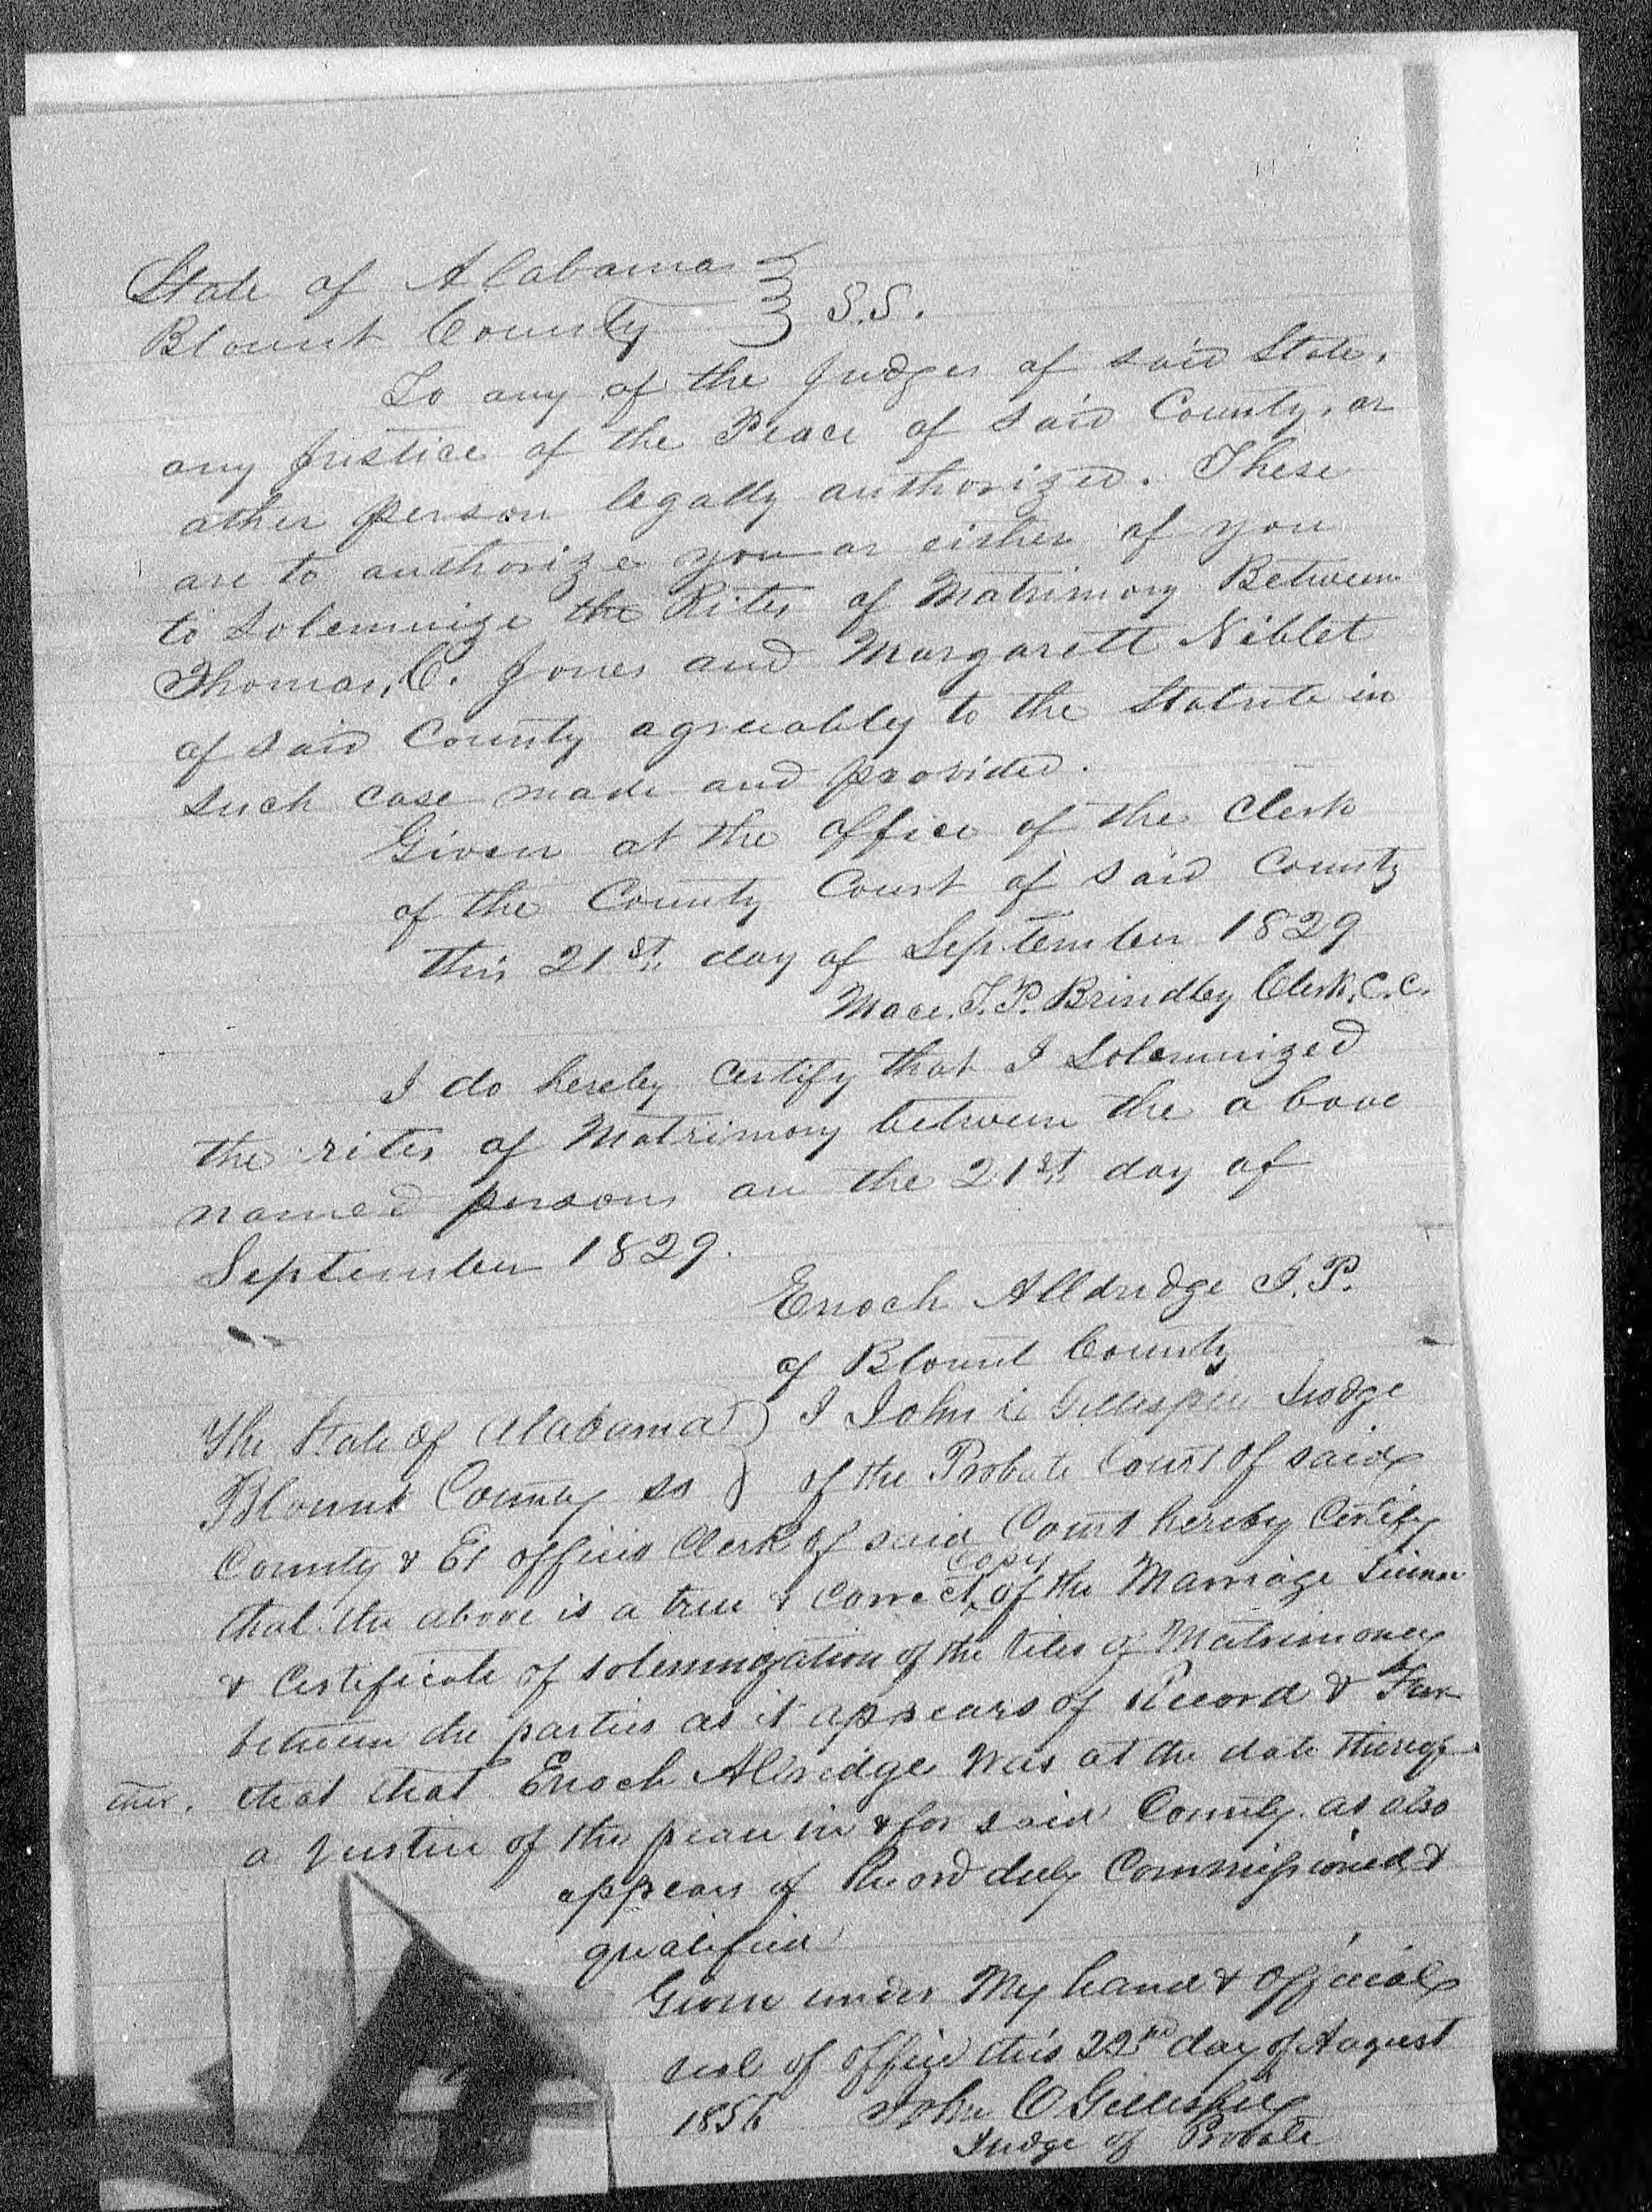State of Alabama
Blount County S.S.

To any of the Judges of said States,
any Justice of the Peace of said County, or
other person legally authorized.  These 
are to authorize you as either of you
to Solemnize the Rites of Matrimony between
Thomas C. Jones and Margarett Niblet
of said county agreeably to the Statute in 
such case made and provided.
Given at the office of the Clerk
of the County Court of said county
this 21st day of September 1829
Mace T.P. Brindley Clerk C.C.
I do hereby certify that I solemnized
the rites of Matrimony between the above
named persons on the 21st day of 
September 1829.
Enoch Alldridge J.P.
of Blount County
The State of Alabama
Blount County S.S.
I John C. Gillispie Judge
of the Probate Court of said 
county & exofficio clerk of said Court hereby certify
that the above is a true & correct copy of the Marriage License
& Certificate of Solemnization of the rites of Matrimony
between the parties as it appears of Record & further
that that Enoch Alldridge was at the date thereof
a Justice of the Peace in & for said county as also
appears of Record duly commissioned &
qualified.
Give under my hand & official 
seal of office this 22nd day of August
1856

John C Gillispie
Judge of Probate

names: Thomas C Jones; Enoch Alldridge; Mace T P Brindley; John C Gillespie; Margarett Niblet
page: 38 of 45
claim: widow's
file: W. 26160, for Thomas C Jones, Georgia